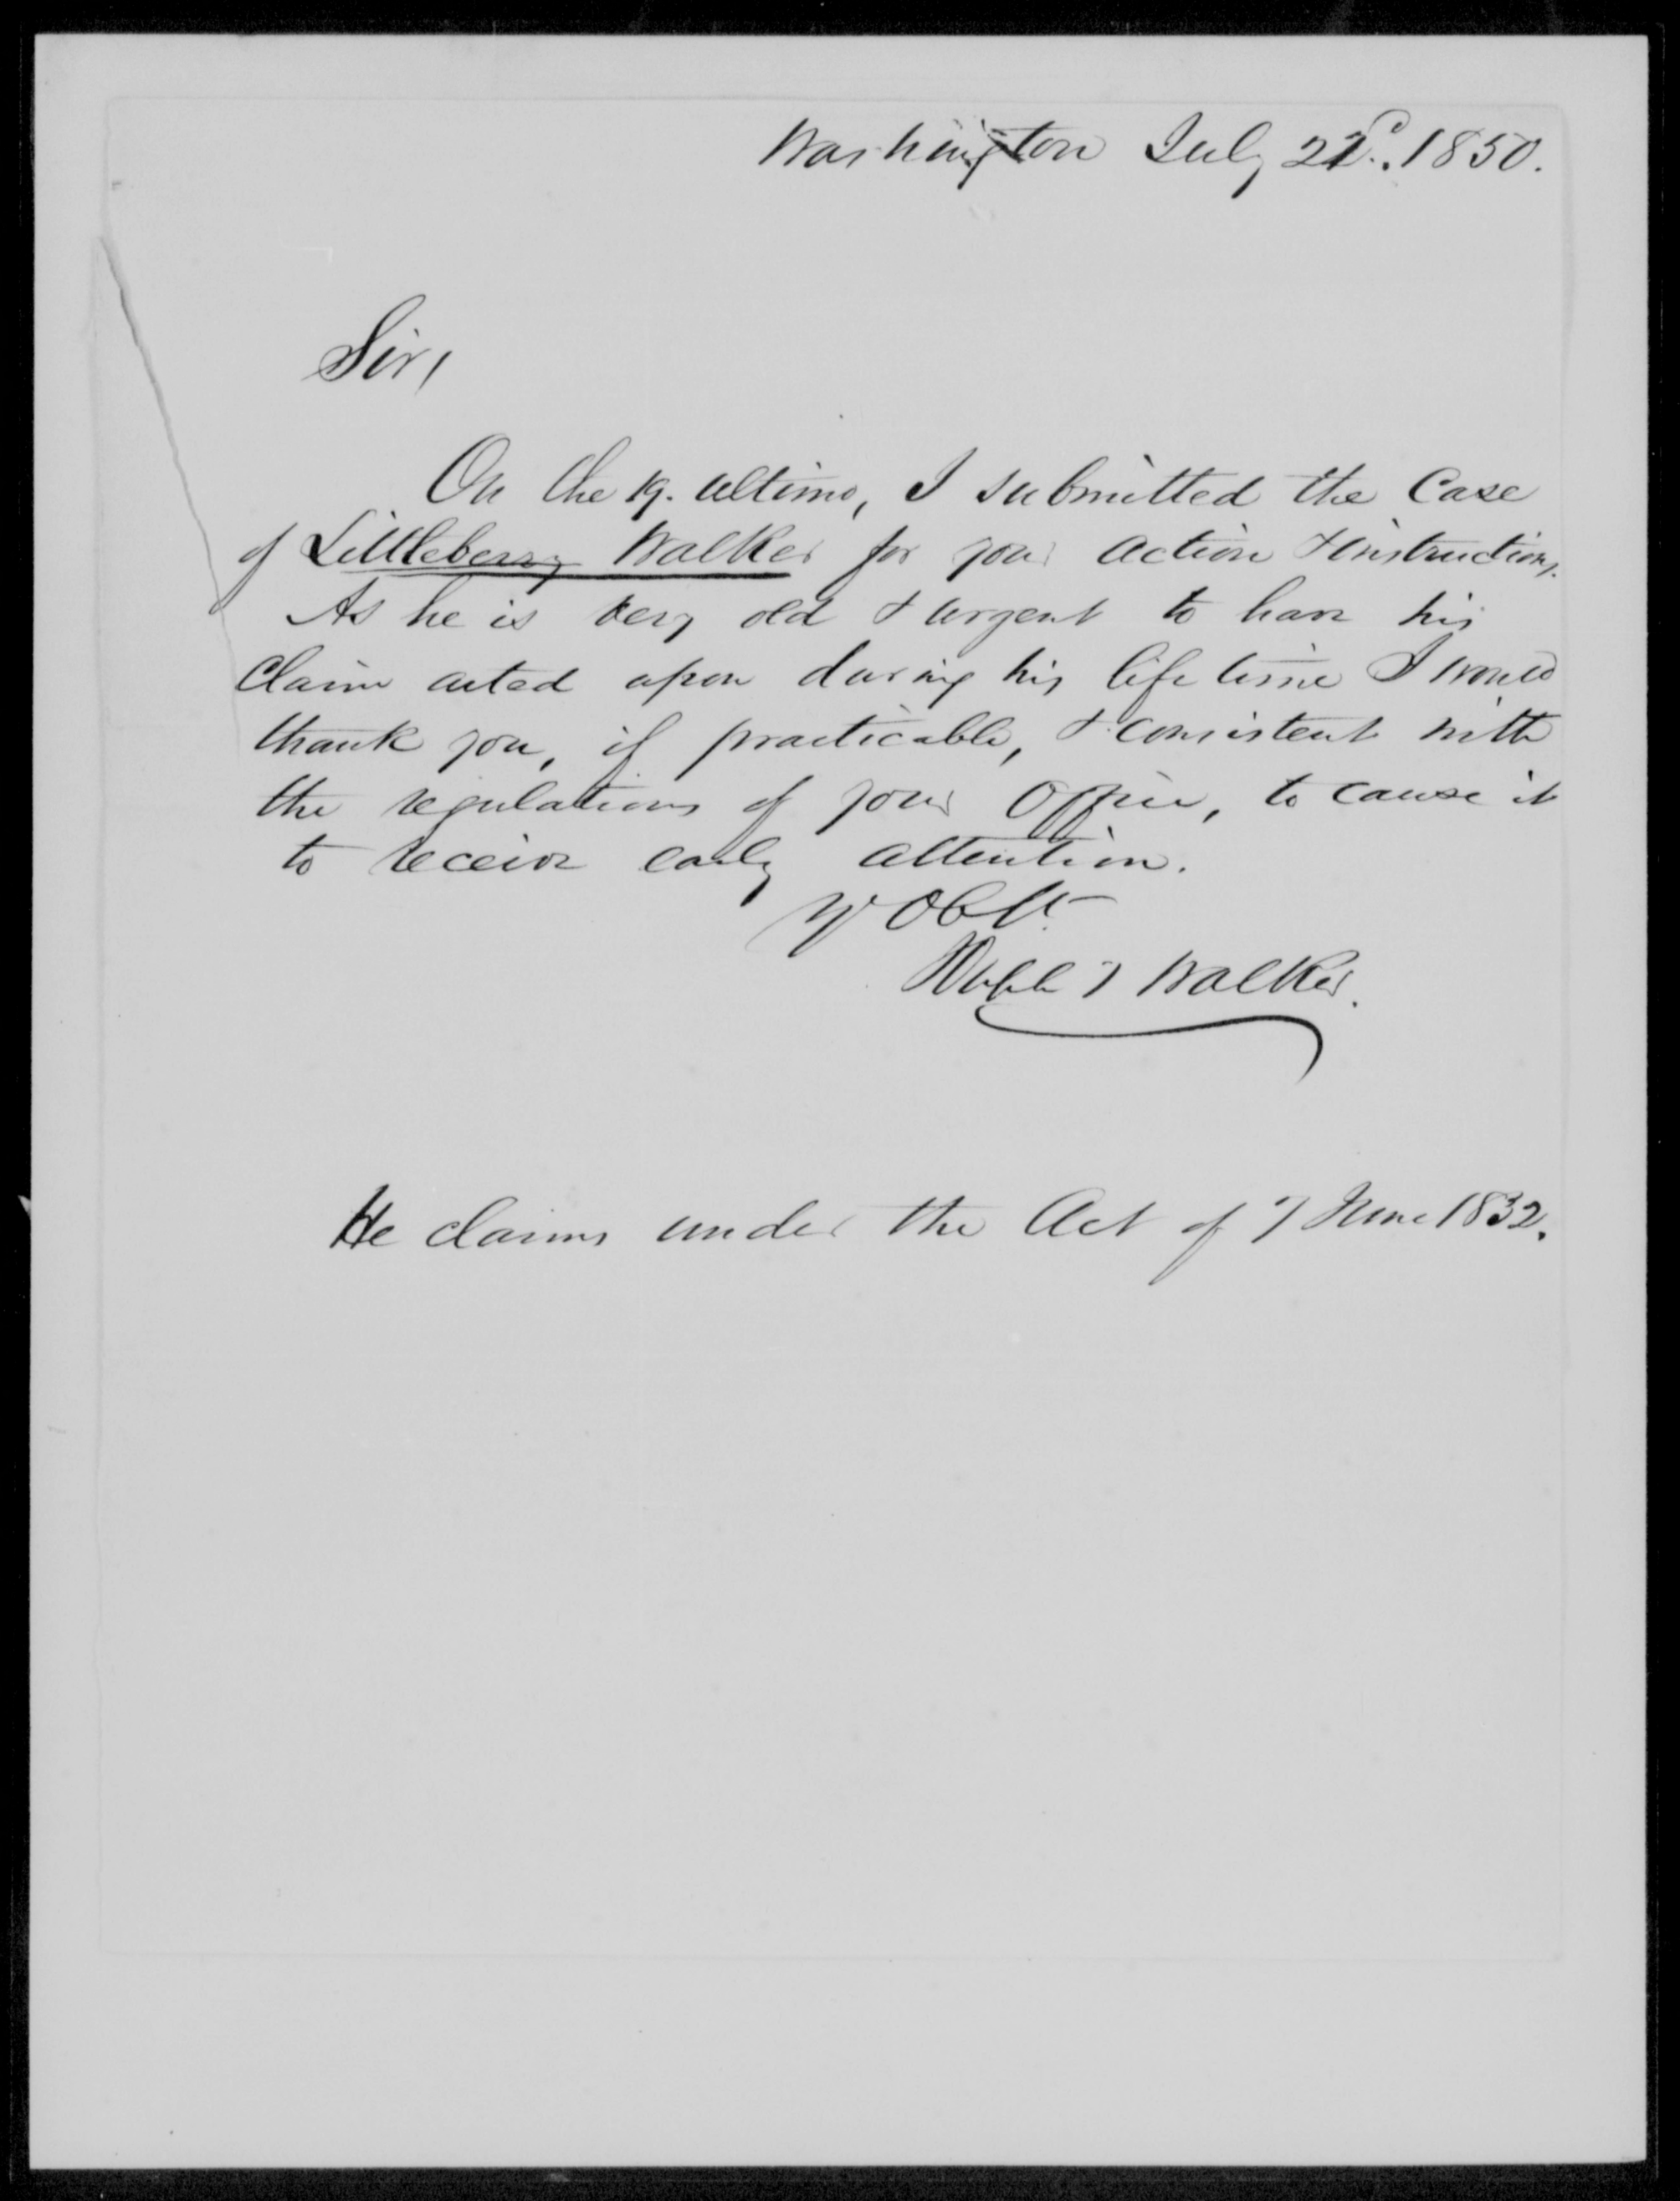Washington July 22, 1850
Sir,
On the 19 ultimo, I submitted the case of Littleberry Walker for your actions  & instructions. As he is very old & urgent to hear his claim acted upon during his lifetime I need thank you, if practicable & consistent with the reputations of your office, to cause it to receive early attention.
YObt,
Joseph Walker
He claims under the Act of 7 June 1832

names: Littleberry Walker, Joseph T Walker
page: 12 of 15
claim: rejected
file: R. 11045, Littleberry Walker, Ga.